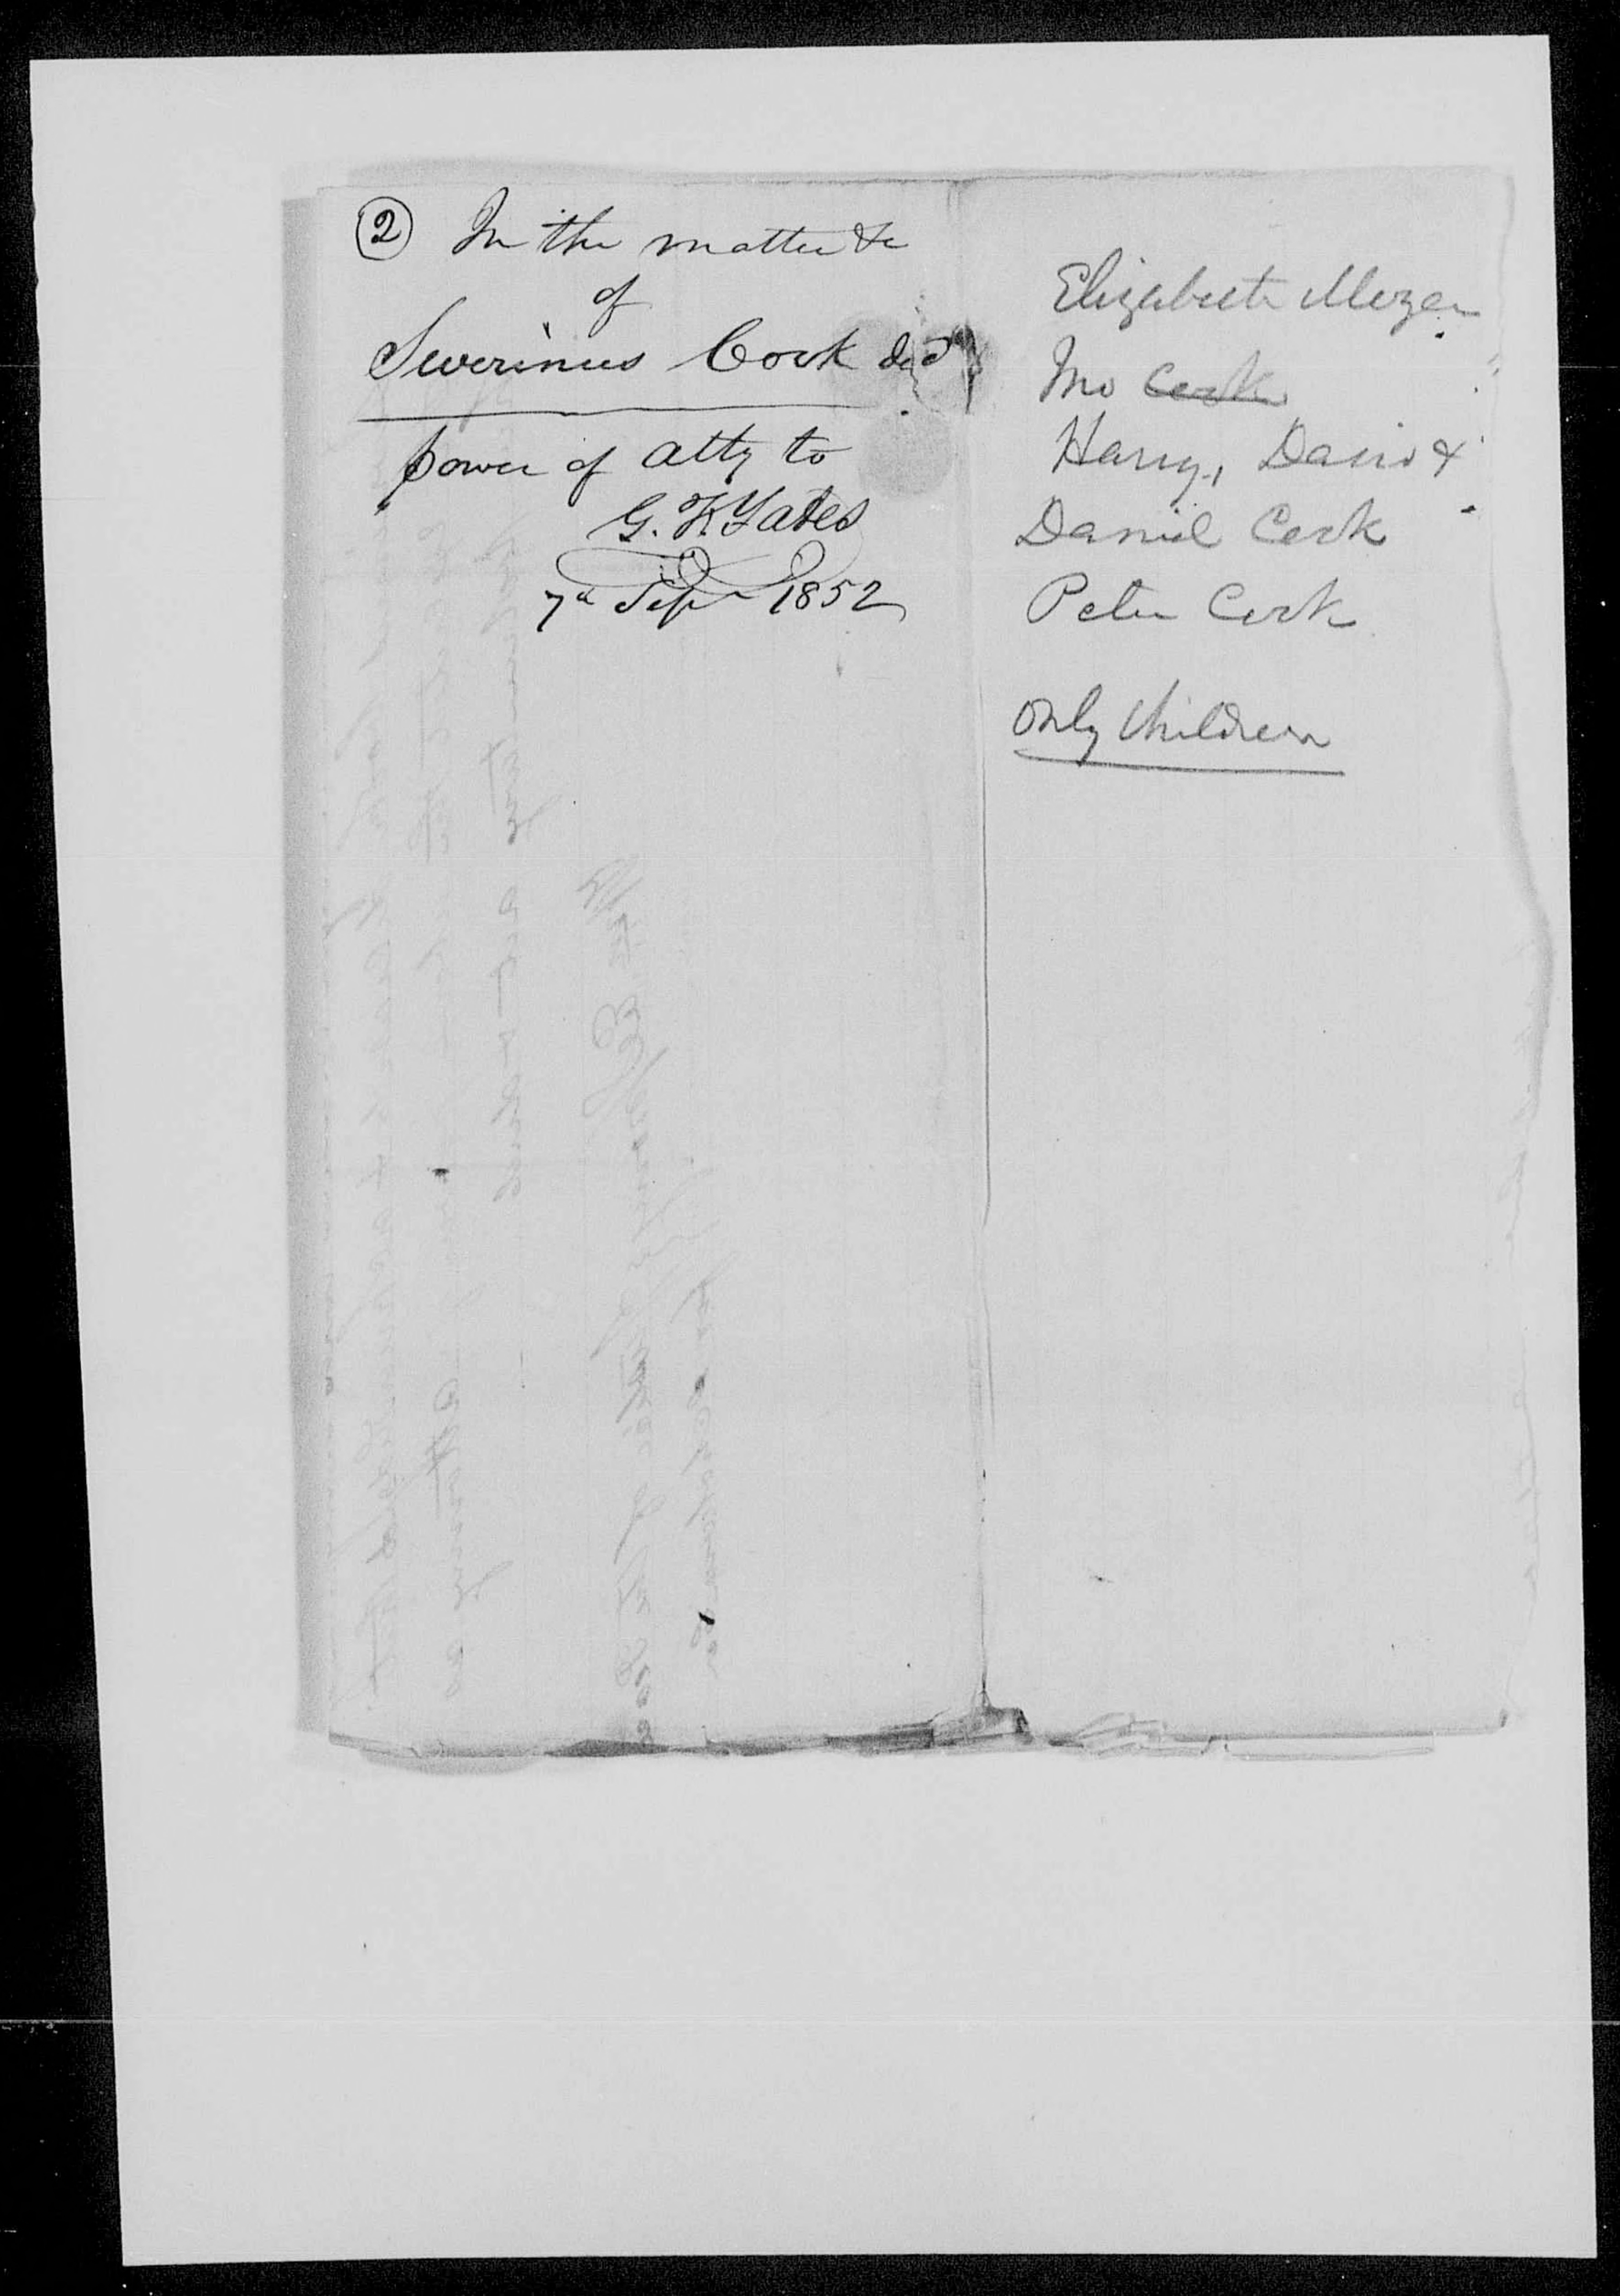(2)
In the matter of Severinus Cook decd

Power of Atty to G.F. Yates
7th Sep 1852

Elizabeth Moyer
Jno, Henry, David & Daniel Cook
Peter Cook

Only children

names: Harry Davis, Daniel Cook, Cook, Elizabeth Moyer, G F Yates, Peter Cook, Severinus Cook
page: 50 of 51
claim: survivor's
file: S. 12563, Severinus Cook, New York